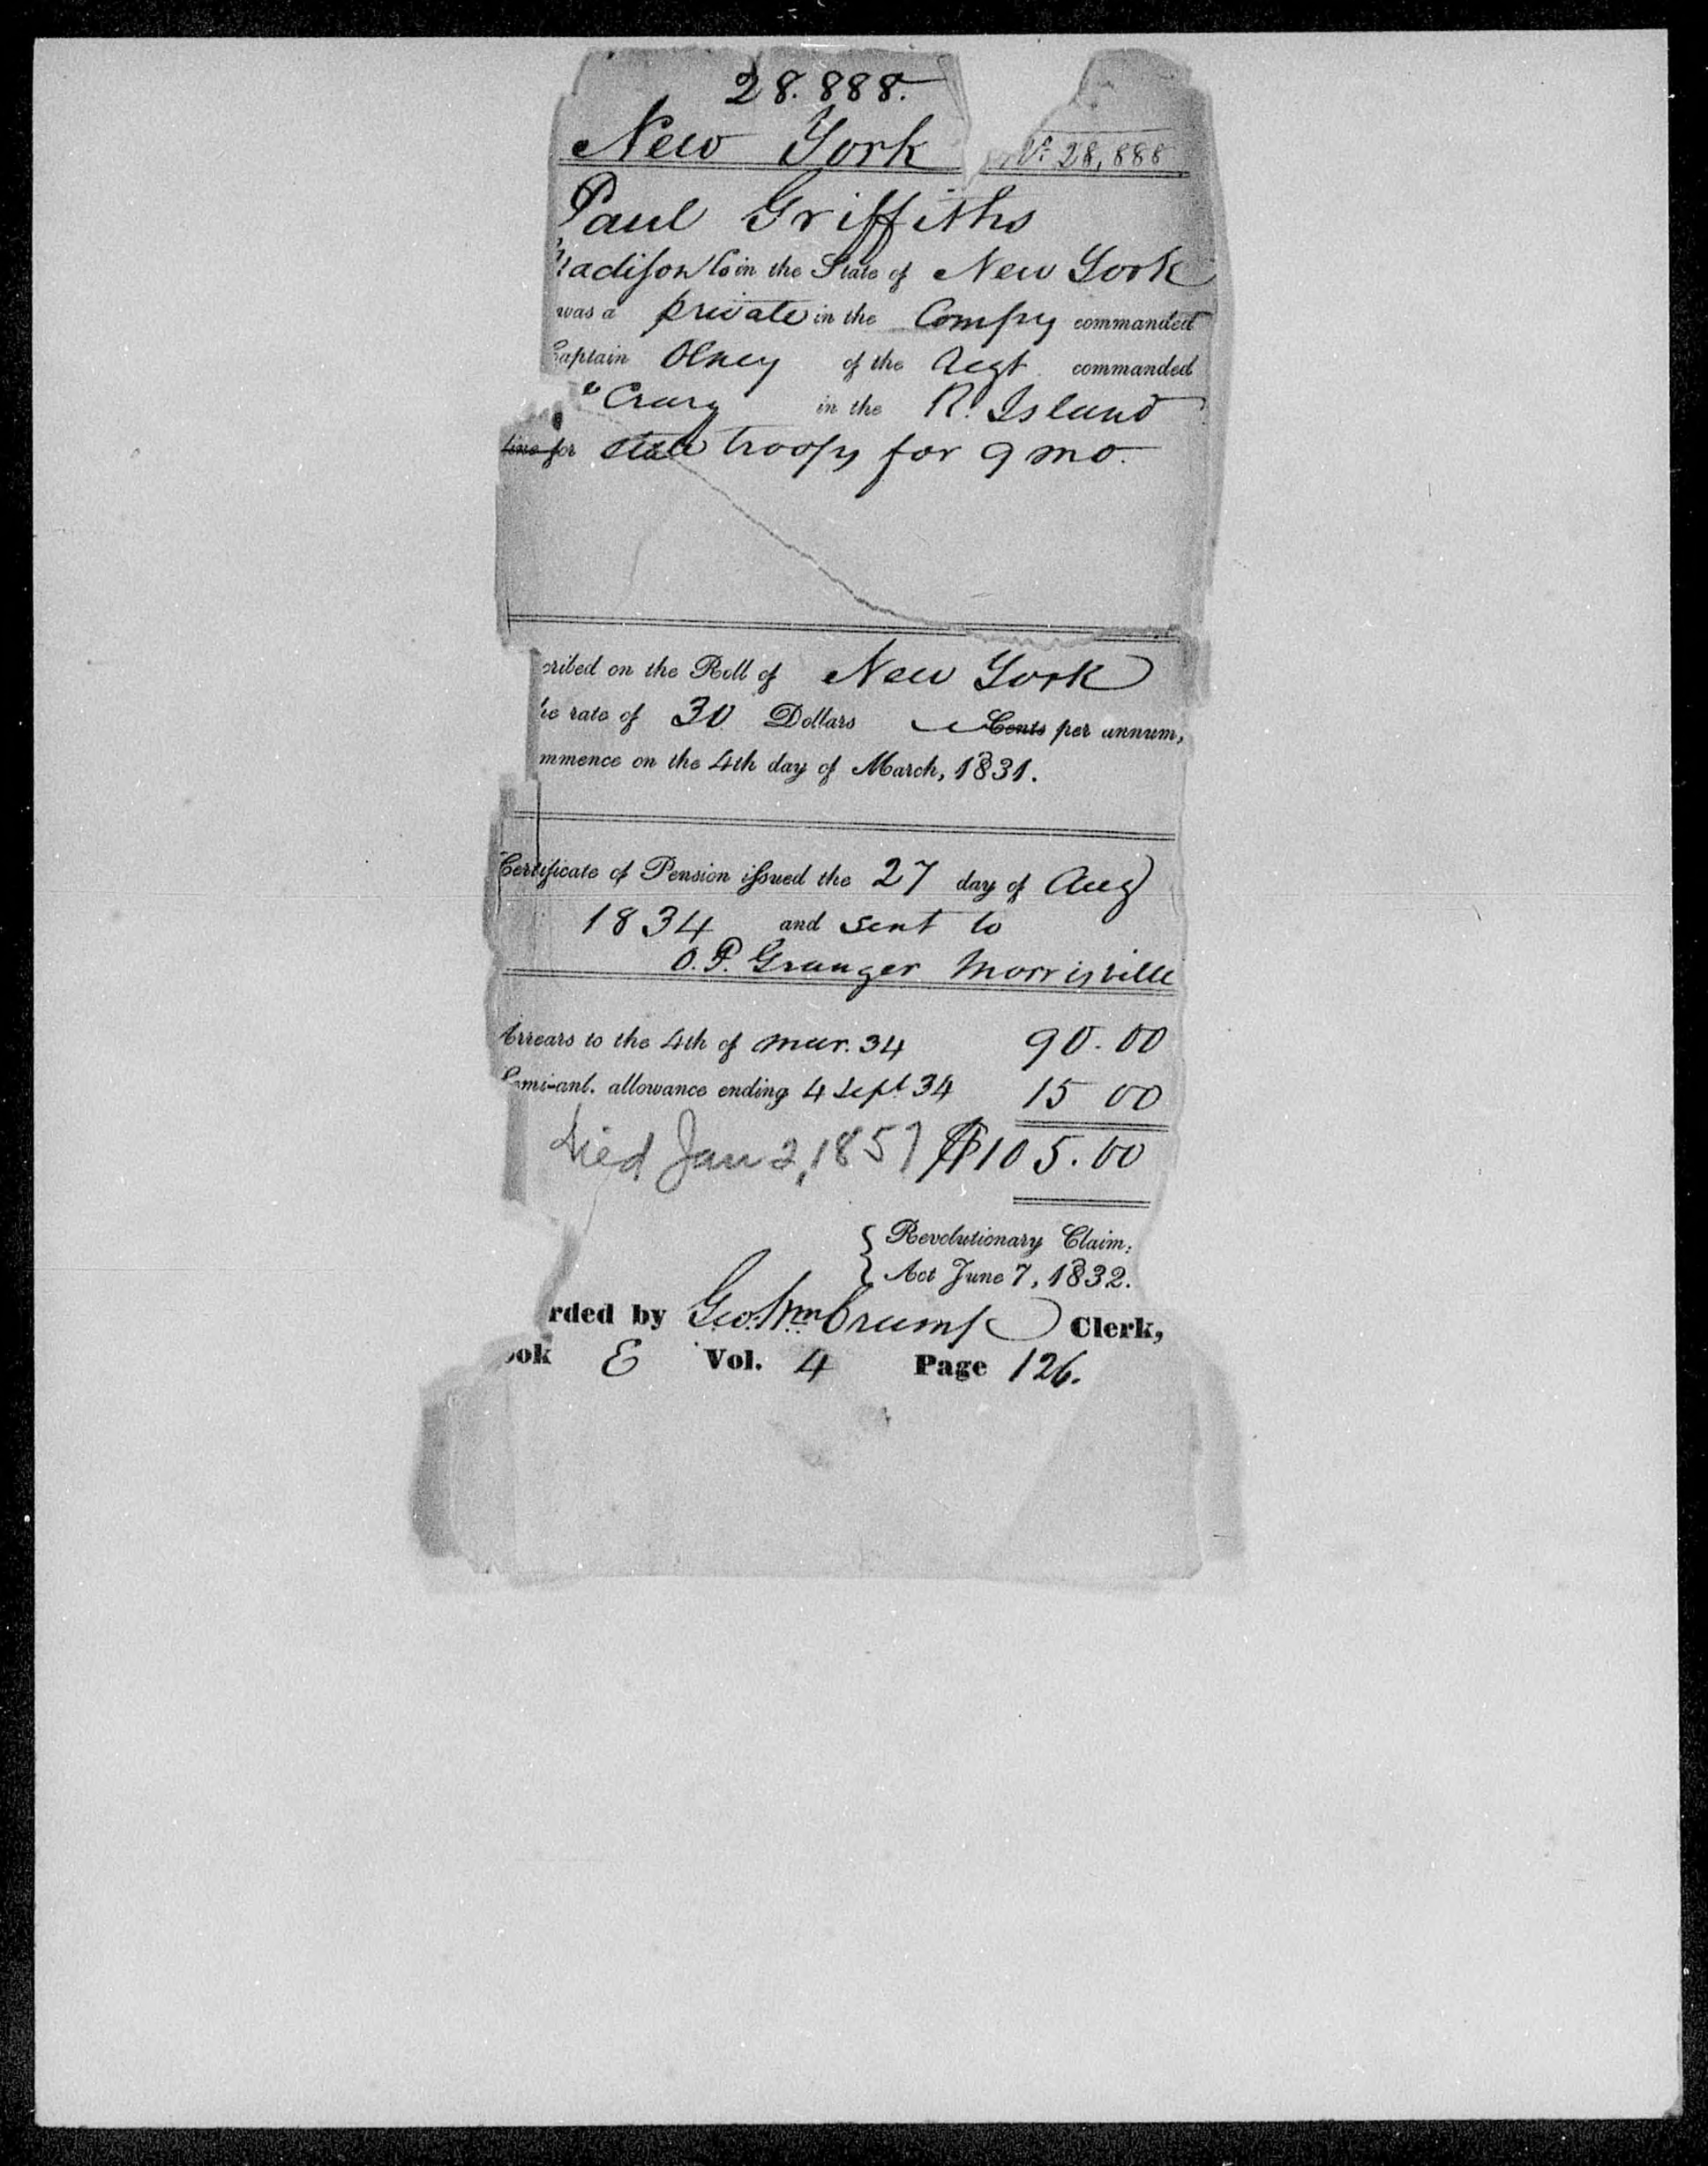28.888.
New York No. 28,888

Paul Griffiths
Madison Co. in the State of New York was a private in the Comp'y commanded by Captain Olney of the Regt commanded by Col. Crary in the R. Island state troops for 9 mon.

Inscribed on the Roll of New York at the rate of 30 Dollars --- cents per annum, to commence on the 4th day of March, 1831.

Certificate of Pension issued the 27 day of Aug 1834 and sent to O.P. Granger Morrisville

Arrears to the 4th of Mar. 34. $90.00
Semi-anl. allowance ending 4 Sept. 34 15.00
Died Jan. 2, 1857  $105.00

Revolutionary Claim: Act June 7, 1832.

Recorded by Geo. Wm. Crump Clerk,
Book E Vol. 4 Page 126.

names: O P Granger, Paul Griffiths, Geo Wm Crump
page: 3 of 61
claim: survivor's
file: S. 22798, Paul Griffiths, R.I.